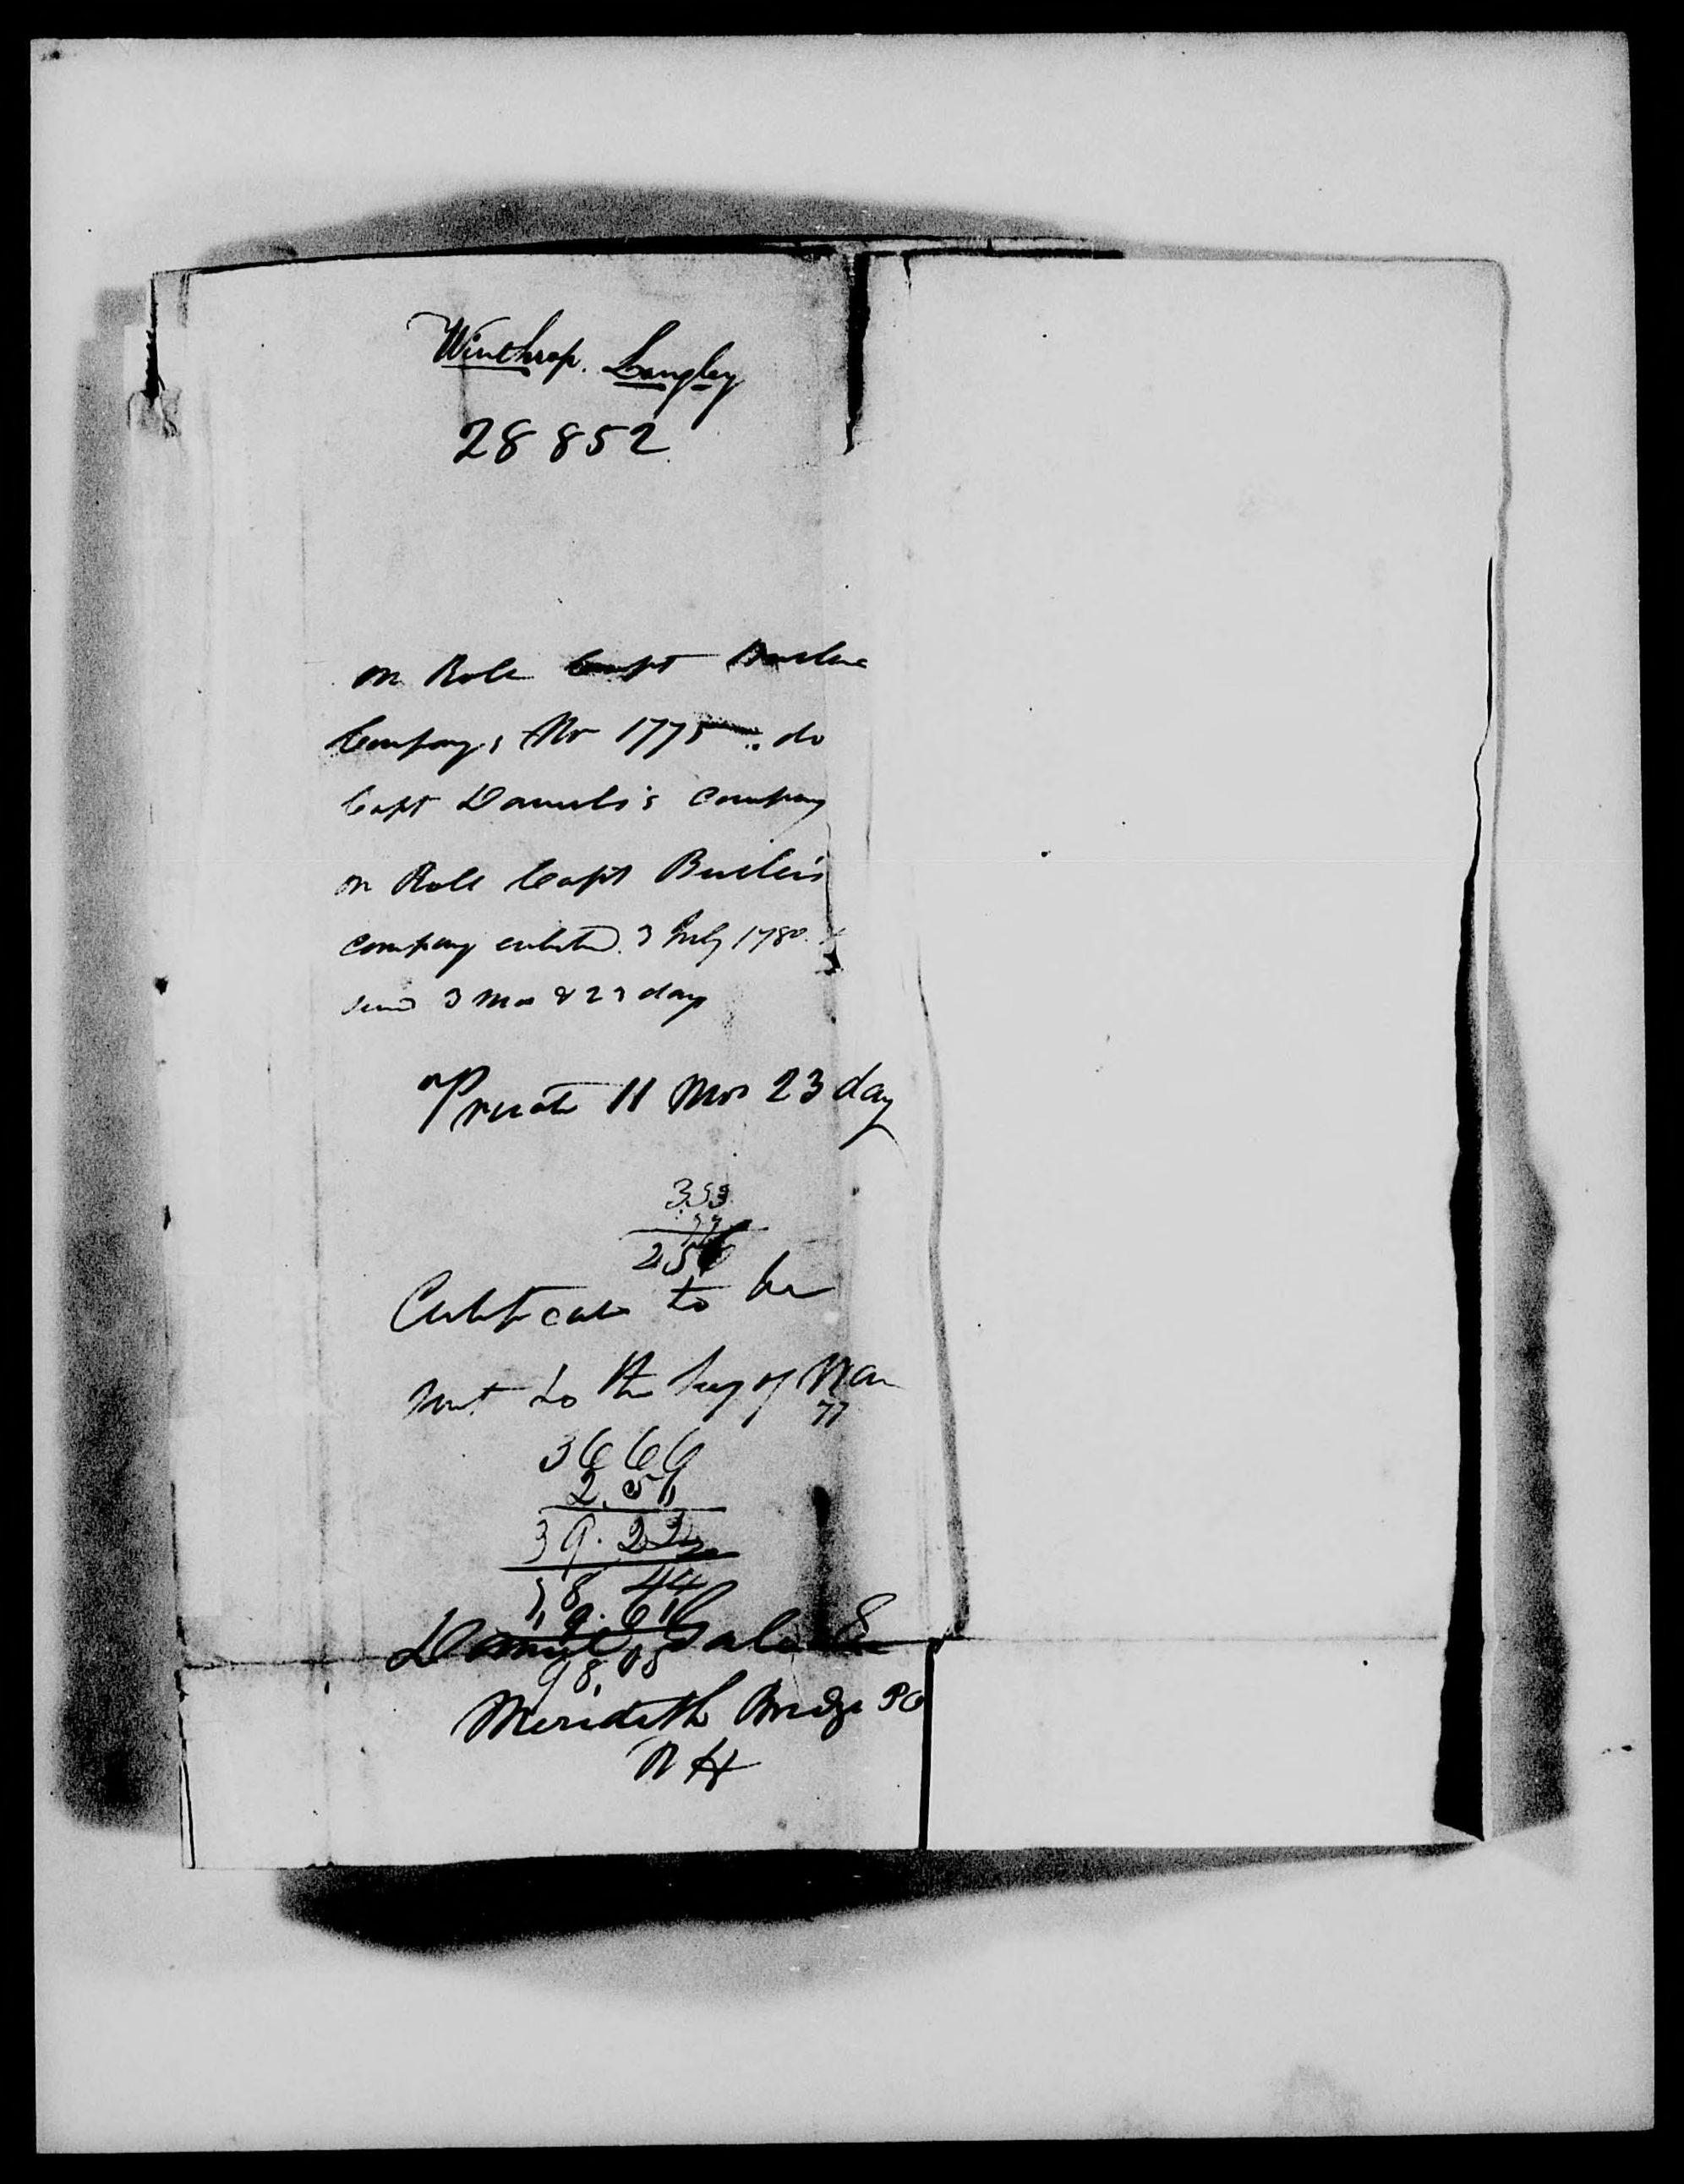Winthrop Langley

28852

On roll Capt [ ] Company, Nov 1775

Capt Daniels Company 

on Roll Capt Butler's company, enlisted 2 July 1780
served 3 months and 27 days

Private - 11 mos 23 day

Certificate to be sent to the [illegible]

36.66
2.56
------
39.22
-----
18.44
19.61
-----
98.00

Meridith Bridge
NH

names: Winthrop Langley; Daniel Galan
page: 5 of 7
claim: survivor's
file: S. 22874, for Winthrop Langley, New Hampshire